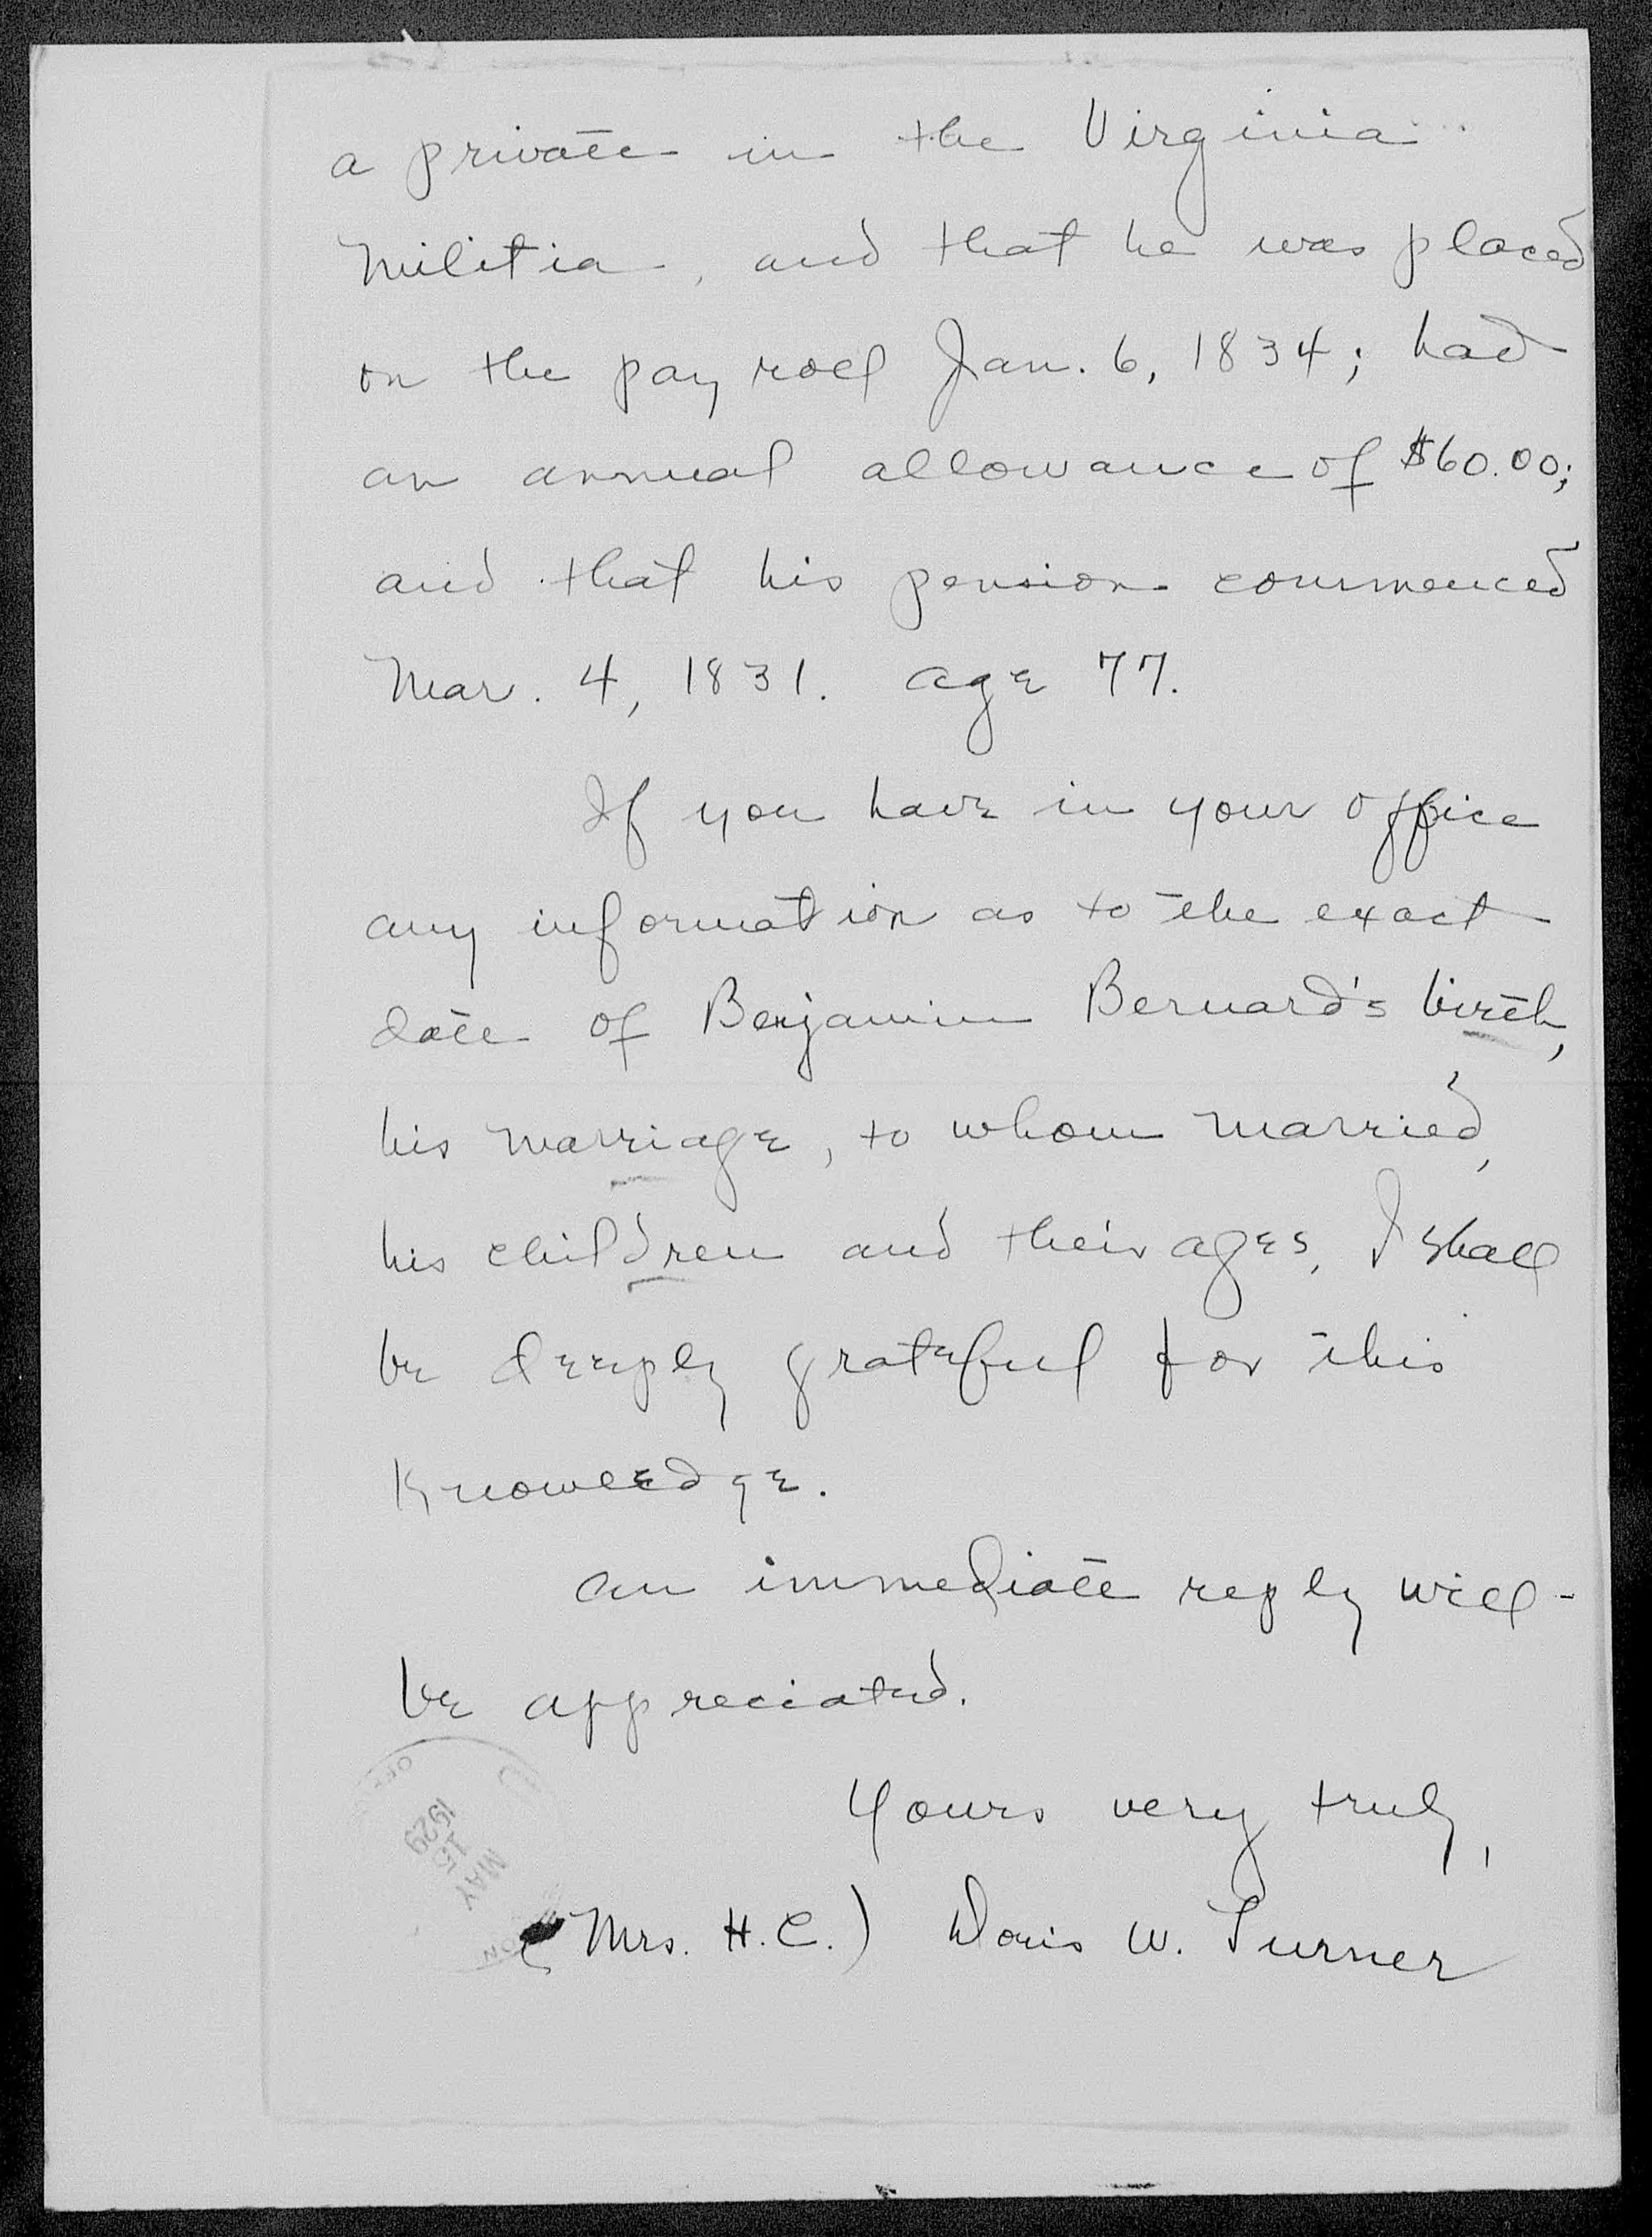a private in the Virginia Militia, and that he was placed on the payroll Jan. 6, 1834;  had an annual allowance of $60.00;  and that his pensions commenced Mar. 4, 1831, age 77.
     If you have in your office any information as to the exact date of Benjamin Bernard's birth, his marriage, to whom married, his children and their ages, I shall be deeply grateful for this knowledge.
     An immediate reply will be appreciated.

                 Yours very truly,
                 (Mrs. H.C.) Doris W. Turner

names: Benjamin Bernard, Doris W Turner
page: 18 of 18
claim: survivor's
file: S. 9096, Benjamin Barnard, Va.